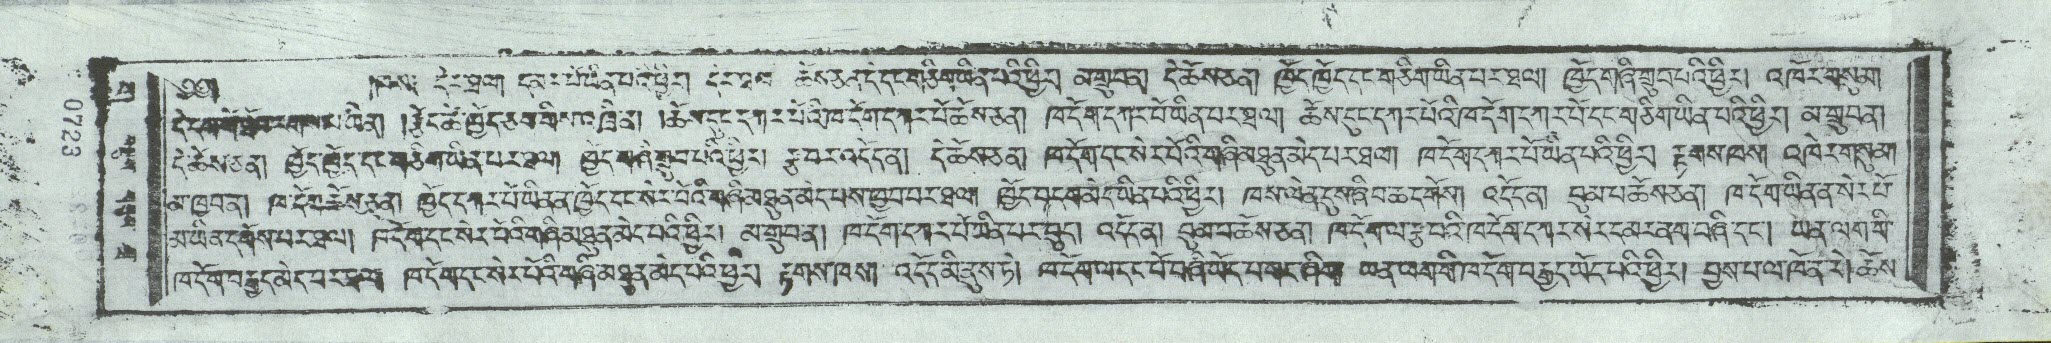༄༅། །ཁས༑ དེར་ཐལ། དམར་པོ་ཡིན་པའི་ཕྱིར། དེར་ཐལ། ཆོས་ཅན་དེ་དང་གཅིག་ཡིན་པའི་ཕྱིར། མ་གྲུབ་ན། དེ་ཆོས་ཅན། ཁྱོད་ཁྱོད་དང་གཅིག་ཡིན་པར་ཐལ། ཁྱོད་གཞི་གྲུབ་བའི་ཕྱིར། འཁོར་གསུམ།
དེ་དག་གོ་ཐོབ་རགས་པ་ཡིན། །རྩོད་ཚེ་ཁྱོད་ཅག་གིས་འཁྲི་ན། །ཆོས་དུང་དཀར་པོའི་ཁ་དོག་དཀར་པོ་ཆོས་ཅན། ཁ་དོག་དཀར་པོ་ཡིན་པར་ཐལ། ཆོས་དུང་དཀར་པོའི་ཁ་དོག་དཀར་པོ་དང་གཅིག་ཡིན་པའི་ཕྱིར། མ་གྲུབ་ན།
དེ་ཆོས་ཅན། ཁྱོད་ཁྱོད་དང་གཅིག་ཡིན་པར་ཐལ། ཁྱོད་གཞི་གྲུབ་པའི་ཕྱིར། རྩ་བར་འདོད་ན། དེ་ཆོས་ཅན། ཁ་དོག་དང་སེར་པོའི་གཞི་མཐུན་མེད་པར་ཐལ། ཁ་དོག་དཀར་པོ་ཡིན་པའི་ཕྱིར། རྟགས་ཁས། འཁོར་གསུམ།
མ་ཁྱབ་ན། ཁ་དོག་ཆོས་ཅན། ཁྱོད་དཀར་པོ་ཡིན་ན་ཁྱོད་དང་སེར་པོའི་གཞི་མཐུན་མེད་པས་ཁྱབ་པར་ཐལ། ཁྱོད་བདག་མེད་ཡིན་པའི་ཕྱིར། ཁས་ལེན་དུས་ཞིབ་ཆ་དགོས། འདོད་ན། བུམ་པ་ཆོས་ཅན། ཁ་དོག་ཡིན་ན་སེར་པོ་
མ་ཡིན་དགོས་པར་ཐལ། ཁ་དོག་དང་སེར་པོའི་གཞི་མཐུན་མེད་པའི་ཕྱིར། མ་གྲུབ་ན། ཁ་དོག་དཀར་པོ་ཡིན་པར་བུད། འདོད་ན། བུམ་པ་ཆོས་ཅན། ཁ་དོག་ལ་རྩ་བའི་ཁ་དོག་དཀར་སེར་དམར་ནག་བཞི་དང་། ཡན་ལག་གི་
ཁ་དོག་བརྒྱད་མེད་པར་ཐལ། ཁ་དོག་དང་སེར་པོའི་གཞི་མཐུན་མེད་པའི་ཕྱིར། རྟགས་ཁས། འདོད་མི་ནུས་ཏེ། ཁ་དོག་ལ་དང་པོ་བཞི་ཡོད་པ་གང་ཞིག། ཡན་ལག་གི་ཁ་དོག་བརྒྱད་ཡོད་པའི་ཕྱིར། བྱས་པ་ལ་ཁོ་ན་རེ། ཆོས་